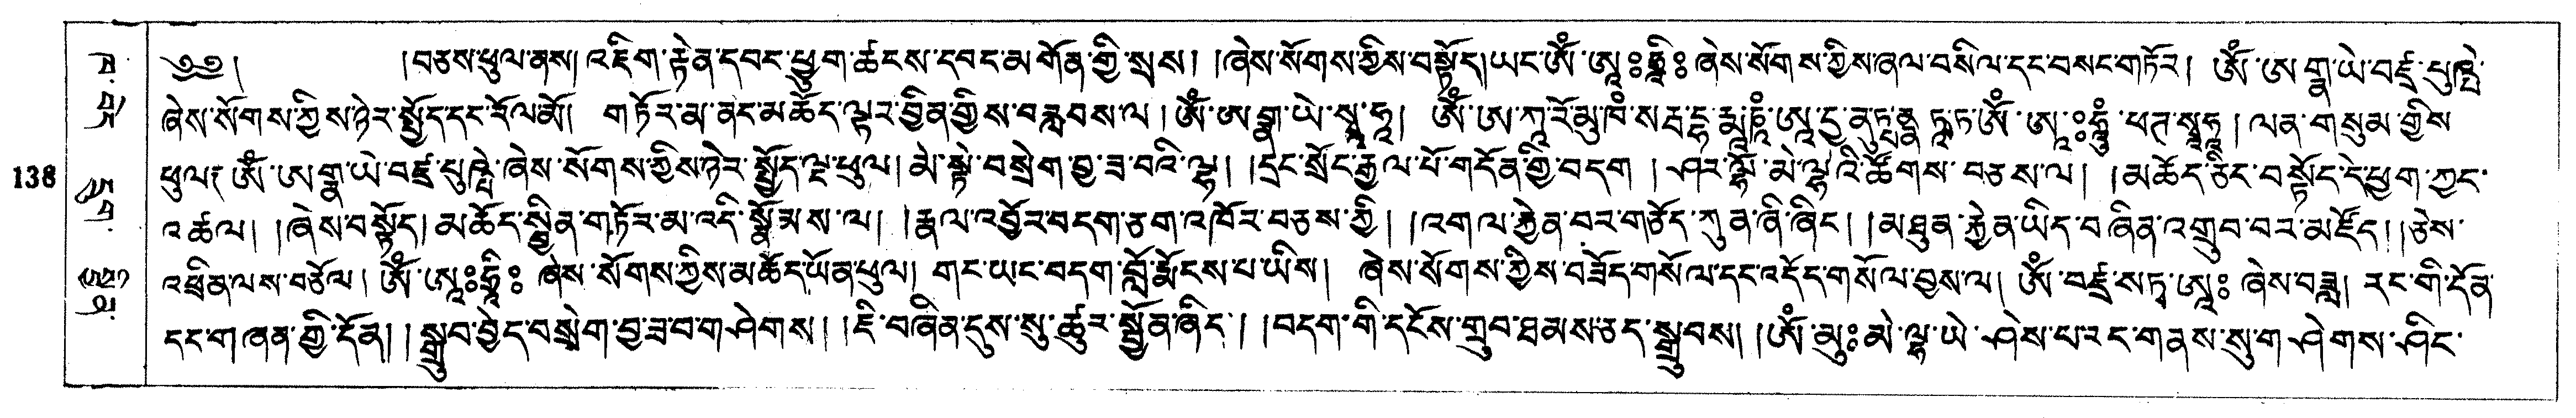༄༅། །བཅས་ཕུལ་ནས། འཇིག་རྟེན་དབང་ཕྱུག་ཚངས་དབང་མགོན་གྱི་སྲས། །ཞེས་སོགས་ཀྱིས་བསྟོད། ཡང་ཨོཾ་ཨཱཿ ཧྲཱིཿ ཞེས་སོགས་ཀྱིས་ཞལ་བསིལ་དང་བསང་གཏོར། ཨོཾ་ཨགན་ཡེ་བཛྲ་པུཥྤེ་
ཞེས་སོགས་ཀྱིས་ཉེར་སྤྱོད་དང་རོལ་མོ། གཏོར་མ་ནང་མཆོད་ལྟར་བྱིན་གྱིས་བརླབས་ལ། ཨོཾ་ཨགན་ཡེ་སྭཱ་ཧཱ། ཨོཾ་ཨ་ཀཱ་རོ་མུ་ཁཾ་སརྦ་དྷ་རྨཱ་ཎཱཾ་ཨཱ་དྱ་ནུ་ཏྤ་ནྣ་ཏཱ་ཏ་ཨོཾ་ཨཱ་Hཧཱུཾ་ཕཊ་སྭཱ་ཧཱ། ལན་གསུམ་གྱིས་
ཕུལ༑ ཨོཾ་ཨགན་ཡེ་བཛྲ་པུཥྤེ་ཞེས་སོགས་ཀྱིས་ཉེར་སྤྱོད་ལྔ་ཕུལ། མེ་སྟེ་བསྲེག་བྱ་ཟ་བའི་ལྷ། །དྲང་སྲོང་རྒྱལ་པོ་གདོན་གྱི་བདག །ཤར་ལྷོ་མེ་ལྷའི་ཚོགས་བཅས་ལ། །མཆོད་ཅིང་བསྟོང་དེ་ཕྱག་ཀྱང་
འཚལ། །ཞེས་བསྟོད། མཆོད་སྦྱིན་གཏོར་མ་འདི་སྣོམས་ལ། །རྣལ་འབྱོར་བདག་ཅག་འཁོར་བཅས་ཀྱི། །འགལ་རྐྱེན་བར་གཅོད་ཀུན་ཞི་ཞིང་། །མཐུན་རྐྱེན་ཡིད་བཞིན་འགྲུབ་བར་མཛོད། །ཅེས་
འཕྲིན་ལས་བཅོལ། ཨོཾ་ཨཱཿཧྲཱིཿ ཞེས་སོགས་ཀྱིས་མཆོད་ཡོན་ཕུལ། གང་ཡང་བདག་བློ་རྨོངས་པ་ཡིས། ཞེས་སོགས་ཀྱིས་བཟོད་གསོལ་དང་འདོད་གསོལ་བྱས་ལ། ཨོཾ་བཛྲ་སཏྭ་ཨཱཿ ཞེས་བཟླ། རང་གི་དོན་
དང་གཞན་གྱི་དོན། །སྒྲུབ་བྱེད་བསྲེག་བྱ་ཟ་བ་གཤེགས། །ཇི་བཞིན་དུས་སུ་ཚུར་སྦྱོན་ཞིང་། །བདག་གི་དངོས་གྲུབ་ཐམས་ཅད་སྒྲུབས། །ཨོཾ་མུཿ མེ་ལྷ་ཡེ་ཤེས་པ་རང་གནས་སུ་གཤེགས་ཤིང་